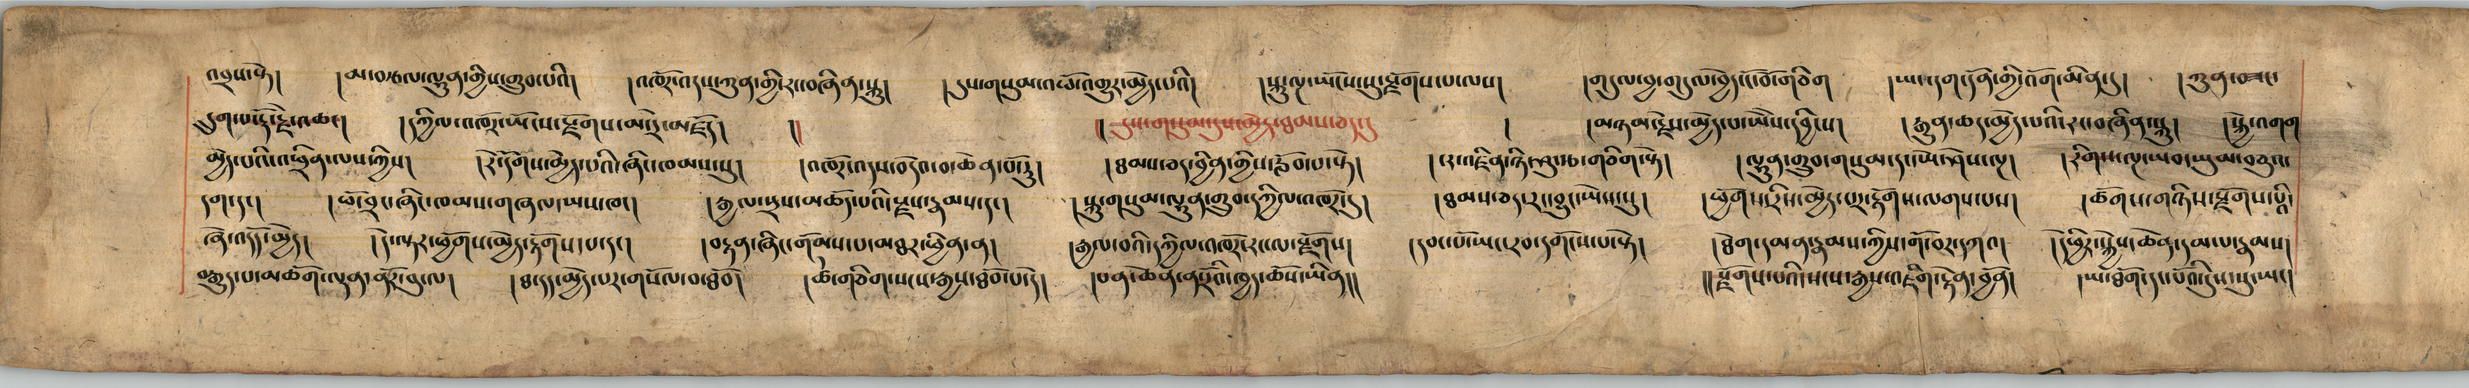འབྲས་སྟེ། །མ་བརྩལ་ལྷུན་གྱིས་གྲུབ་པའི། །འཁོར་འདས་ཀུན་གྱི་རང་བཞིན་སྐུ། །དུས་གསུམ་འཕོ་འགྱུར་མྱེད་པའི། །སྐུ་ལྔ་ཡོངས་སུ་སྫོགས་པ་ལས། །གདུལ་བྱ་གདུལ་བྱེད་ངོ་བོ་གཅིག །ཡང་དག་དོན་གྱི་འོག་མིན་དུ། །ཀུན་བཟང་
དྲུག་པ་རྡོ་རྗེ་འཆང། །དཀྱིལ་འཁོར་ཡོངས་སྫོགས་མ་རེ་མཛོད། །། །། དུས་གསུམ་དུས་མྱེད་ཐམས་ཅད་དུ། ། །མཉམ་རྗེས་མྱེད་པ་ཡཻས་དབྱིངས། །རྒྱུན་ཆད་མྱེད་པའི་རང་བཞིན་སྐུ། །སྐྱེ་འགག
མྱེད་པའི་འཕྲིན་ལས་ཀྱིས། །རེ་དོགས་མྱེད་པའི་ཞིང་ཁམས་སུ། །འཁོར་འདས་བདེའ་བ་ཆེན་པོ་རུ། །ཐམས་ཅད་བྱིན་གྱིས་རློབ་པ་སྟེ། །ངར་འཛིན་ཉི་ཤུ་རྩ་གཅིག་སྟེ། །ལྷུན་གྲུབ་གསུམ་དང་ཡེ་ཤེས་ལྔ། །རིགས་ལྔ་ཡབ་ཡུམ་བཅུའ་
དག་དང། །ཕོ་བྲང་ཞིང་ཁམས་གཞལ་ཡས་ཁང། །རྒྱལ་སྲས་མཆོད་པའི་སྫས་རྣམས་དང། །སྐུ་གསུམ་ལྷུན་གྲུབ་དཀྱིལ་འཁོར་དུ། །ཐམས་ཅད་རང་བྱུང་ཡེས་སུ། །ཕྱོགས་རིས་མྱེད་པར་རྟོགས་ལགས་པས། །ཚོགས་གཉིས་སྫོགས་པི་
ཞེ་འདོད་མྱེད། །དེ་ལྟར་ཕྱོགས་མྱེད་རྟོགས་པ་དང། །བརྟན་ཞིང་གོམས་པ་མཐར་ཕྱིན་ན། །རྒཡལ་བའི་དཀྱིལ་འཁོར་རང་ལ་སྫོགས། །དབང་པོ་ཡང་རབ་དགོངས་པ་སྟེ། །ཐེག་དམན་རྣམས་ཀྱིས་གོ་བར་དཀའ། །དེ་ཕྱིར་སྐྱེས་ཆེན་དམ་པ་རྣམས།
བརྒྱུད་པ་མཆོག་ལྡན་ནོར་བུ་ལ། །ཐ དད་མྱེད་པར་གསོལ་བ་ཐོབ། །ཚེ་གཅིག་སངས་རྒྱས་ཐོབ་པ་དེ། །པན་ཆེན་ན་རོའི་ཁྱད་ཆོས་ཡིན།། །།སྫོགས་པའི་སངས་རྒྱས་འཇིག་རྟེན་བྱོན། །ཡ་ཐོག་དང་པོའི་དུས་སུ་ཡང།